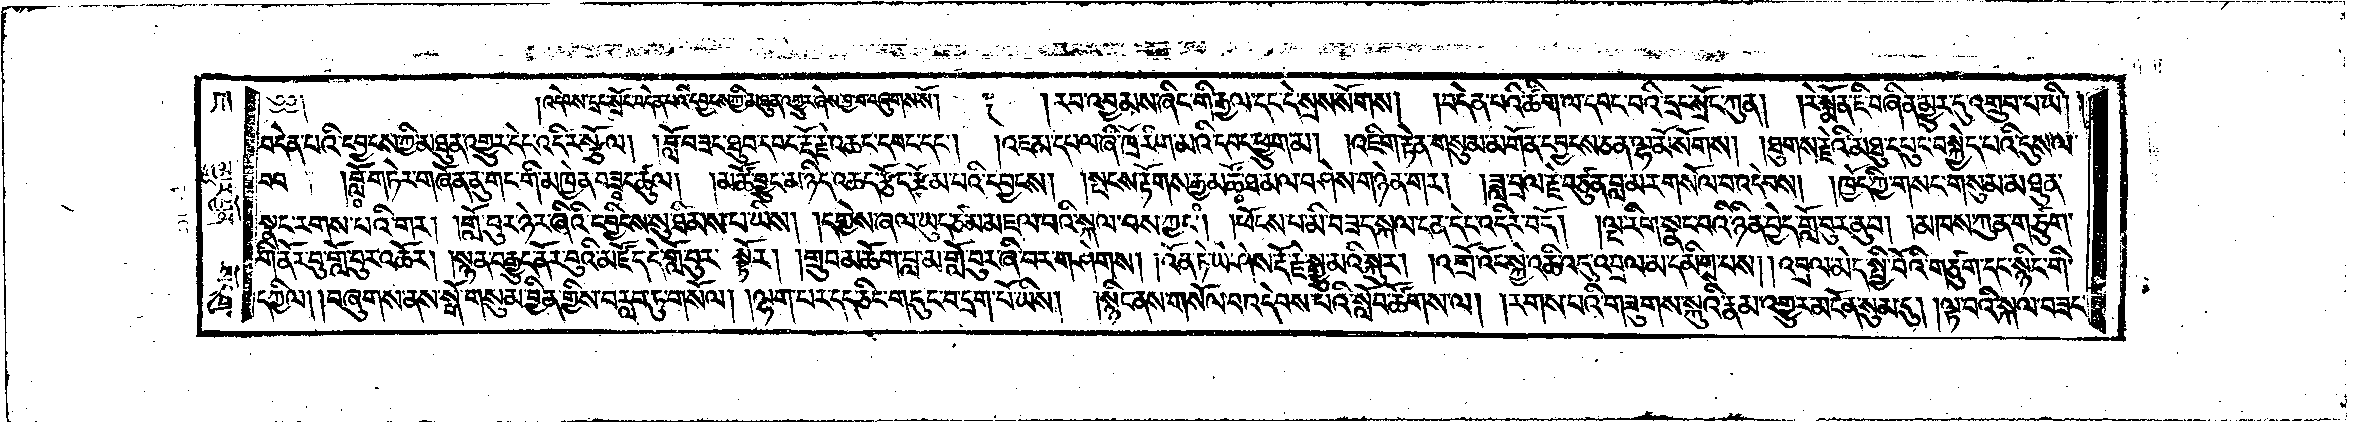༄༅། །འདེབས་དྲང་སྲོང་བདེན་པའི་དབྱངས་ཀྱི་མཐུན་འགྱུར་ཞེས་བྱ་བ་བཞུགས་སོ། ༈ །རབ་འབྱམས་ཞིང་གི་རྒྱལ་དང་དེ་སྲས་སོགས། །བདེན་བའི་ཚིག་ལ་དབང་པའི་དྲང་སྲོང་ཀུན། །རེ་སྨོན་ཇི་བཞིན་མྱུར་དུ་འགྲུབ་པ་ཡི། །
བདེན་པའི་དབྱངས་ཀྱི་མཐུན་འགྱུར་ངེས་འདིར་སྩོལ། །བློ་བཟང་ཐུབ་དབང་རྡོ་རྗེ་འཆང་དབང་དང་། །འཇམ་དཔལ་ཞི་ཁྲོ་རིག་མའི་དབང་ཕྱུག་མ། །འཇིག་རྟེན་གསུམ་མགོན་དབྱངས་ཅན་ལྷ་མོ་སོགས། །ཐུགས་རྗེའི་མཐུ་དཔུང་བསྐྱེད་པའི་དུས་ལ་
བབ༑ །བློ྾་གཏེར་གཞོན་ནུ་གང་གི་མཁྱེན་བཟང྾་ཚུལ། །མཚོ་བྱུང་མ་ཉིད་འཆད་རྩོད་རྩོམ་པའི་དབྱངས། །སྤངས་རྟོགས་རྒྱ྾་མཚོ྾་ཐ་མལ་བཤེས་གཉེན་གར། །ཟླ་བྲལ་རྗེ་བཙུན་བླ་མར་གསོལ་བ་འདེབས། །ཁྱོད་ཀྱི་གསང་གསུམ་མཐུན་
སྣང་རགས་པའི་གར། །གློ་བུར་ཉེར་ཞིའི་དབྱིངས་སུ་ཐིམས་པ་ཡིས། །དགྱེས་ཞལ་ཡུད་ཙམ་མཇལ་བའི་སྐལ་བས་ཀྱང་། །ཕོངས་པ་མི་བཟད་སྐལ་ངན་དེང་འདིར་བདོ། །ལྔ་རིག་སྣང་བའི་ཉིན་བྱེད་གློ་བུར་ནུབ། །མཁས་ཀུན་གཙུག་
གི་ནོར་བུ་གློ་བུར་འཆོར། །སྙན་བརྒྱུད་ནོར་བུའི་མཛོད་དེ་གློ་བུར་སྟོར། །གྲུབ་མཆོག་བླ་མ་གློ་བུར་ཞི་བར་གཤེགས། །འོན་ཏེ་ཡེ་ཤེས་རྡོ་རྗེ་སྒྱུ་མའི་སྐུར། །འགྲོ་འོང་སྐྱེ་འཆི་འདུ་འབྲལ་མ་དམིགས་པས། །འབྲལ་མེད་སྤྱི་བོའི་གཙུག་དང་སྙིང་གི་
དཀྱིལ། །བཞུགས་ནས་སྒོ་གསུམ་བྱིན་གྱིས་བརླབ་ཏུ་གསོལ། །ལྷག་ངར་དད་ཅིང་གདུང་འདྲག་པོ་ཡིས། །སྙིང་ནས་གསོལ་བ་འདེབས་པའི་སློབ་ཚོགས་ལ། །རགས་པའི་གཟུགས་སྐུའི་རྣམ་འགྱུར་མངོན་སུམ་དུ། །ལྟ་བའི་སྐལ་བཟང་